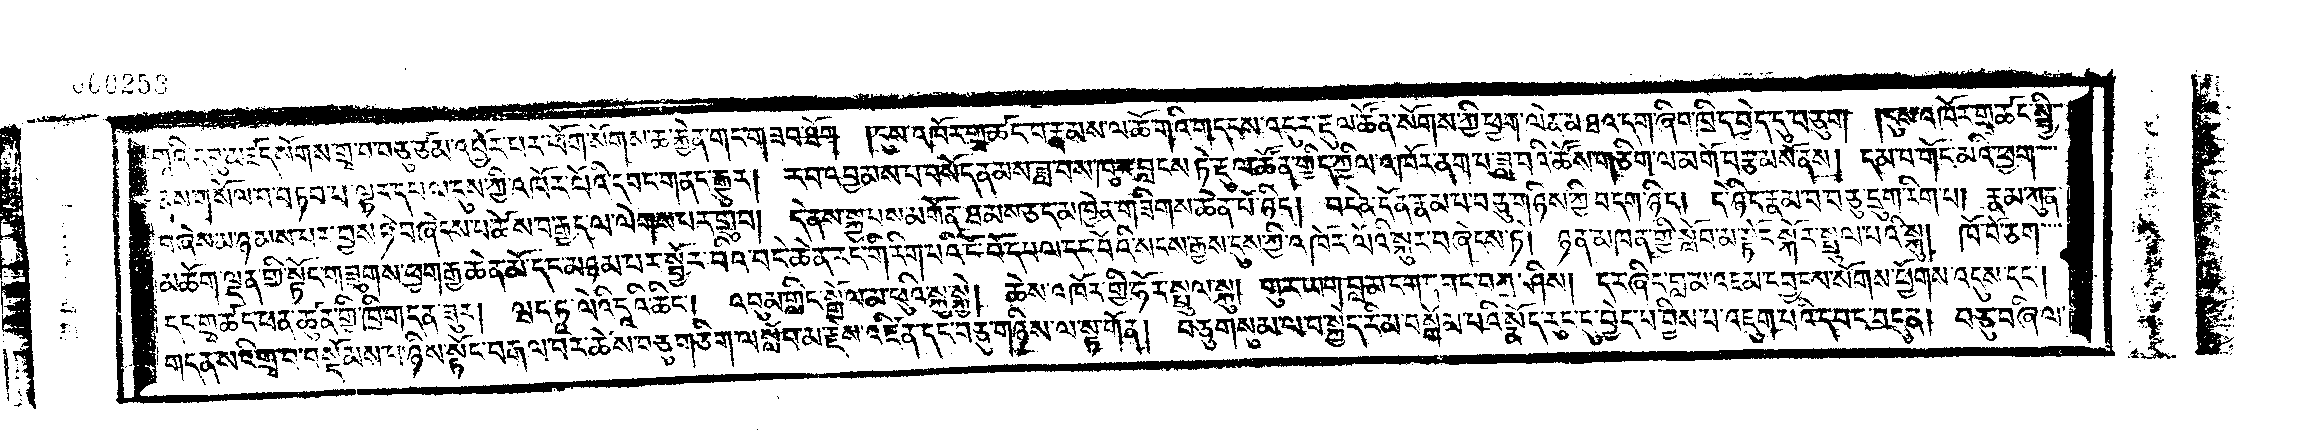གྲྭའི་དབུ་མཛད་སོགས་གྲྭ་བ་བཅུ་ཙམ་འབྱོར་པར་ཕོག་སོགས་ཆ་རྐྱེན་གང་གཟབ་ཐོག །དུས་འཁོར་གྲྭ་ཚང་བ་རྣམས་ལ་ཆོ་གའི་གདངས་འདུར་རྡུལ་ཚོན་སོགས་ཀྱི་ཕྱག་ལེན་མཐའ་དག་ཞིབ་ཁྲིད་བྱེད་དུ་བཅུག །དུས་འཁོར་གྲྭ་ཚང་སྦྱི་
ནས་གསོལ་བ་བཏབ་པ་ལྟར་དཔལ་དུས་ཀྱི་འཁོར་ལོའི་དབང་གནང་རྒྱུར། རབ་འབྱམས་བ་བསོད་ནམས་ཟླ་བས་ཁུར་བླངས་ཏེ་རྡུལ་ཚོན་གྱི་དཀྱིལ་འཁོར་ནག་པ་ཟླ་བའི་ཚེས་གཅིག་ལ་མགོ་བརྩམས་ནས། དམ་པ་གོང་མའི་ཕྱག་
བཞེས་མ་ཉམས་པར་བྱས་ཏེ་བཞེངས་པ་ཚེས་བརྒྱད་ལ་ལེགས་པར་གྲུབ། དེ་ནས་སྐྱབས་མགོན་ཐམས་ཅད་མཁྱེན་གཟིགས་ཆེན་པོ་ཉིད། བདེན་དོན་རྣམ་པ་བཅུ་གཉིས་ཀྱི་བདག་ཉིད། དེ་ཉིད་རྣམ་པ་བཅུ་དྲུག་རིག་པ། རྣམ་ཀུན་
མཆོག་ལྡན་གྱི་སྟོང་གཟུགས་ཕྱག་རྒྱ་ཆེན་མོ་དང་མཉམ་པར་སྦྱོར་བའི་བདེ་ཆེན་རང་གི་རིག་པའི་ངོ་བོ་དཔལ་དང་པོའི་སངས་རྒྱས་དུས་ཀྱི་འཁོར་ལོའི་སྐུར་བཞེངས་ཏེ། ཉན་མཁན་གྱི་སློབ་མ་སྟོང་སྐོར་སྤྲུལ་པའི་སྐུ། ཁོ་བོ་ཅག་
དང་གྲྭ་ཚང་ཕན་ཚུན་གྱི་ཁྲི་གདན་ཟུར། ཝང་ཏཱ་ལེའི་དཱའི་ཆིང་། འབུམ་གླིང་སྒྲོལ་མ་ཕུའི་སྐུ་སྐྱེ། ཆེས་འཁོར་གྱི་ཧོར་སྤྲུལ་སྐུ། གུར་ཡག་བླ་མ་ངག་དབང་བཀྲ་ཤིས། དར་ཞིང་བླ་མ་འཇམ་དབྱངས་སོགས་ཕྱོགས་འདུས་དང་།
གདན་སའི་གྲྭ་བ་བསྡོམས་པ་ཉིས་སྟོང་བརྒལ་བར་ཚེས་བཅུ་གཅིག་ལ་སློབ་མ་རྗེས་འཛིན་དང་བཅུ་གཉིས་ལ་སྟ་གོན། བཅུ་གསུམ་ལ་བསྐྱེད་རིམ་བསྒོམ་པའི་སྣོད་རུང་དུ་བྱེད་པ་བྱིས་པ་འཇུག་པའི་དབང་བདུན། བཅུ་བཞི་ལ་